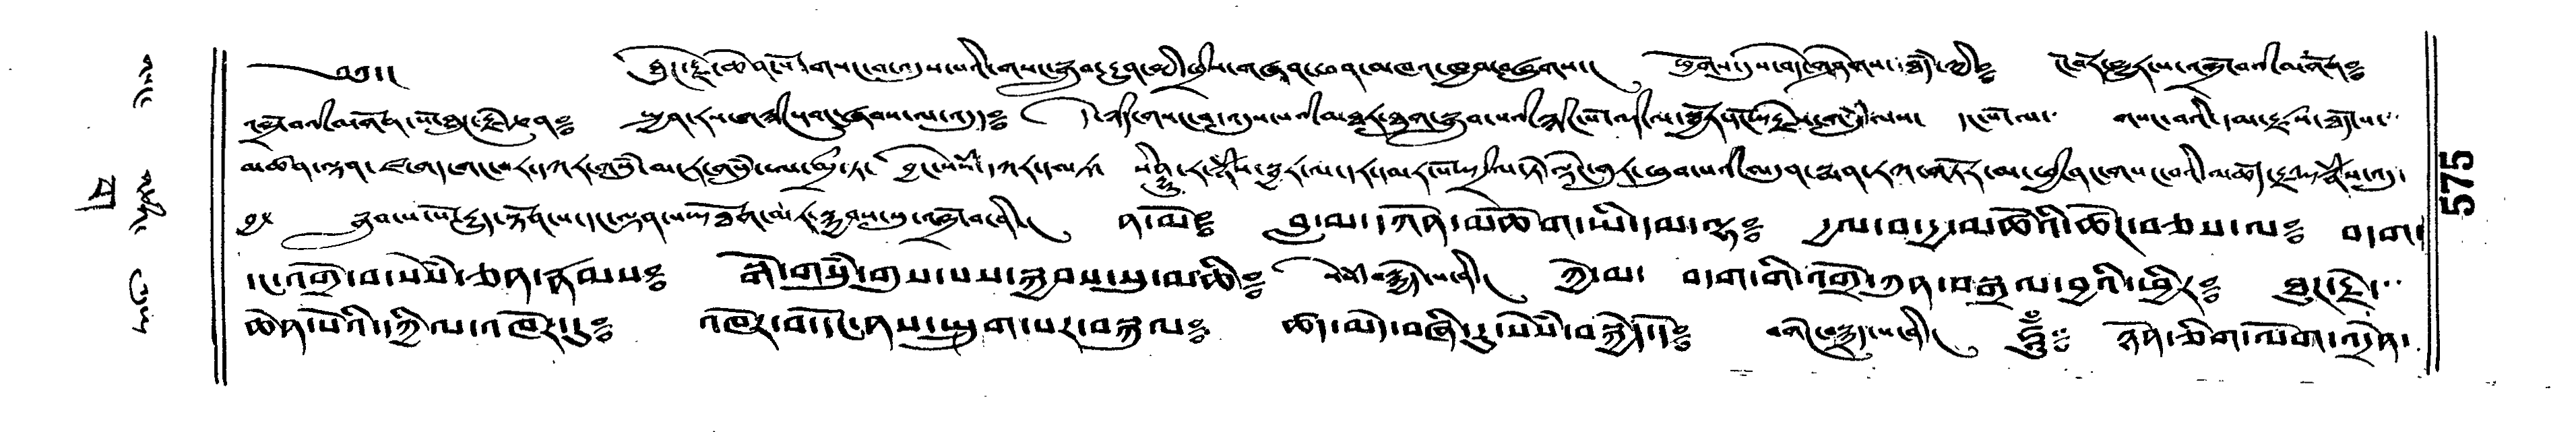༄༅། ཐུགས་རྗེ་ཆེན་པོ་གསང་བ་འདུས་པའི་གསང་སྒྲུབ་རྒྱུན་གྱི་ཕྲིན་ལས་གཞན་ཕན་མཁའ་ཁྱབ་བཞུགས།། ཕྱོགས་དུས་བདེ་གཤེགས་ཐམས་ཅད་ཀྱི། །ངོ་བོར་གྱུར་པ་འགྲོ་བའི་མགོན། །
འགྲོ་བའི་མགོན་པོ་ཐུགས་རྗེ་ཅན། །སྤྱན་རས་གཟིགས་དབང་ཞབས་ལ་འདུད། །དེ་ཉིད་གསང་བ་འདུས་པའི་མཐར་ཐུག་སྒྲུབ་པའི་སྙིང་པོ་འདི་ལ་སྦྱོར་དངོས་རྗེས་གསུམ་ལས། དང་པོ་ལ། གསང་བའི་དམ་རྫས་ཐོད་པ་
མཚན་ལྡན་ཛཱ་གད་ཀྱིས་གང་བར་དཀར་གསུམ་མངར་གསུམ་ཨ་མྲྀ་ཏ། བྱང་སེམས་དཀར་དམར། སིནྡྷུ་ར་རྣམས་སྦྱར་ལ་དར་དམར་པོས་དྲིལ་ཏེ་ལྡིང་གུར་ཕུབ་པའི་མདུན་སྨན་རཀ་གཏོར་མ། ཕྱི་ནང་གསང་བའི་མཆོད་རྫས་རྣམས་འདུ་
བྱ། སྒྲུབ་པ་པོ་རྒྱུད་སྟོན་པ་དང་ལྡན་པས་ཐོག་མར་སྐྱབས་སུ་འགྲོ་བ་ནི། ན་མོ༔ བླ་མ་དཀོན་མཆོག་ཡི་དམ་ལྷ༔ རྒྱལ་བ་རྒྱ་མཚོའི་ཚོགས་བཅས་ལ༔ བདག་
དང་འགྲོ་བ་སེམས་ཅན་རྣམས༔ སྒོ་གསུམ་གུས་པས་སྐྱབས་སུ་མཆི༔ སེམས་བསྐྱེད་པ་ནི། ཀྱེ་མཿ བདག་གི་འགྲོ་ཀུན་བསྒྲལ་བྱའི་ཕྱིར༔ ཐུགས་རྗེ་
ཆེན་པོའི་དཀྱིལ་འཁོར་དུ༔ འཁོར་བ་དོང་ནས་སྤྲུག་པར་བསྐུལ༔ ཚད་མེད་བཞི་རུ་སེམས་བསྐྱེད་དོ༔ བགེགས་བསྐྲད་པ་ནི། ཧཱུྃ༔ ཉོན་ཅིག་ལོག་འདྲེན་